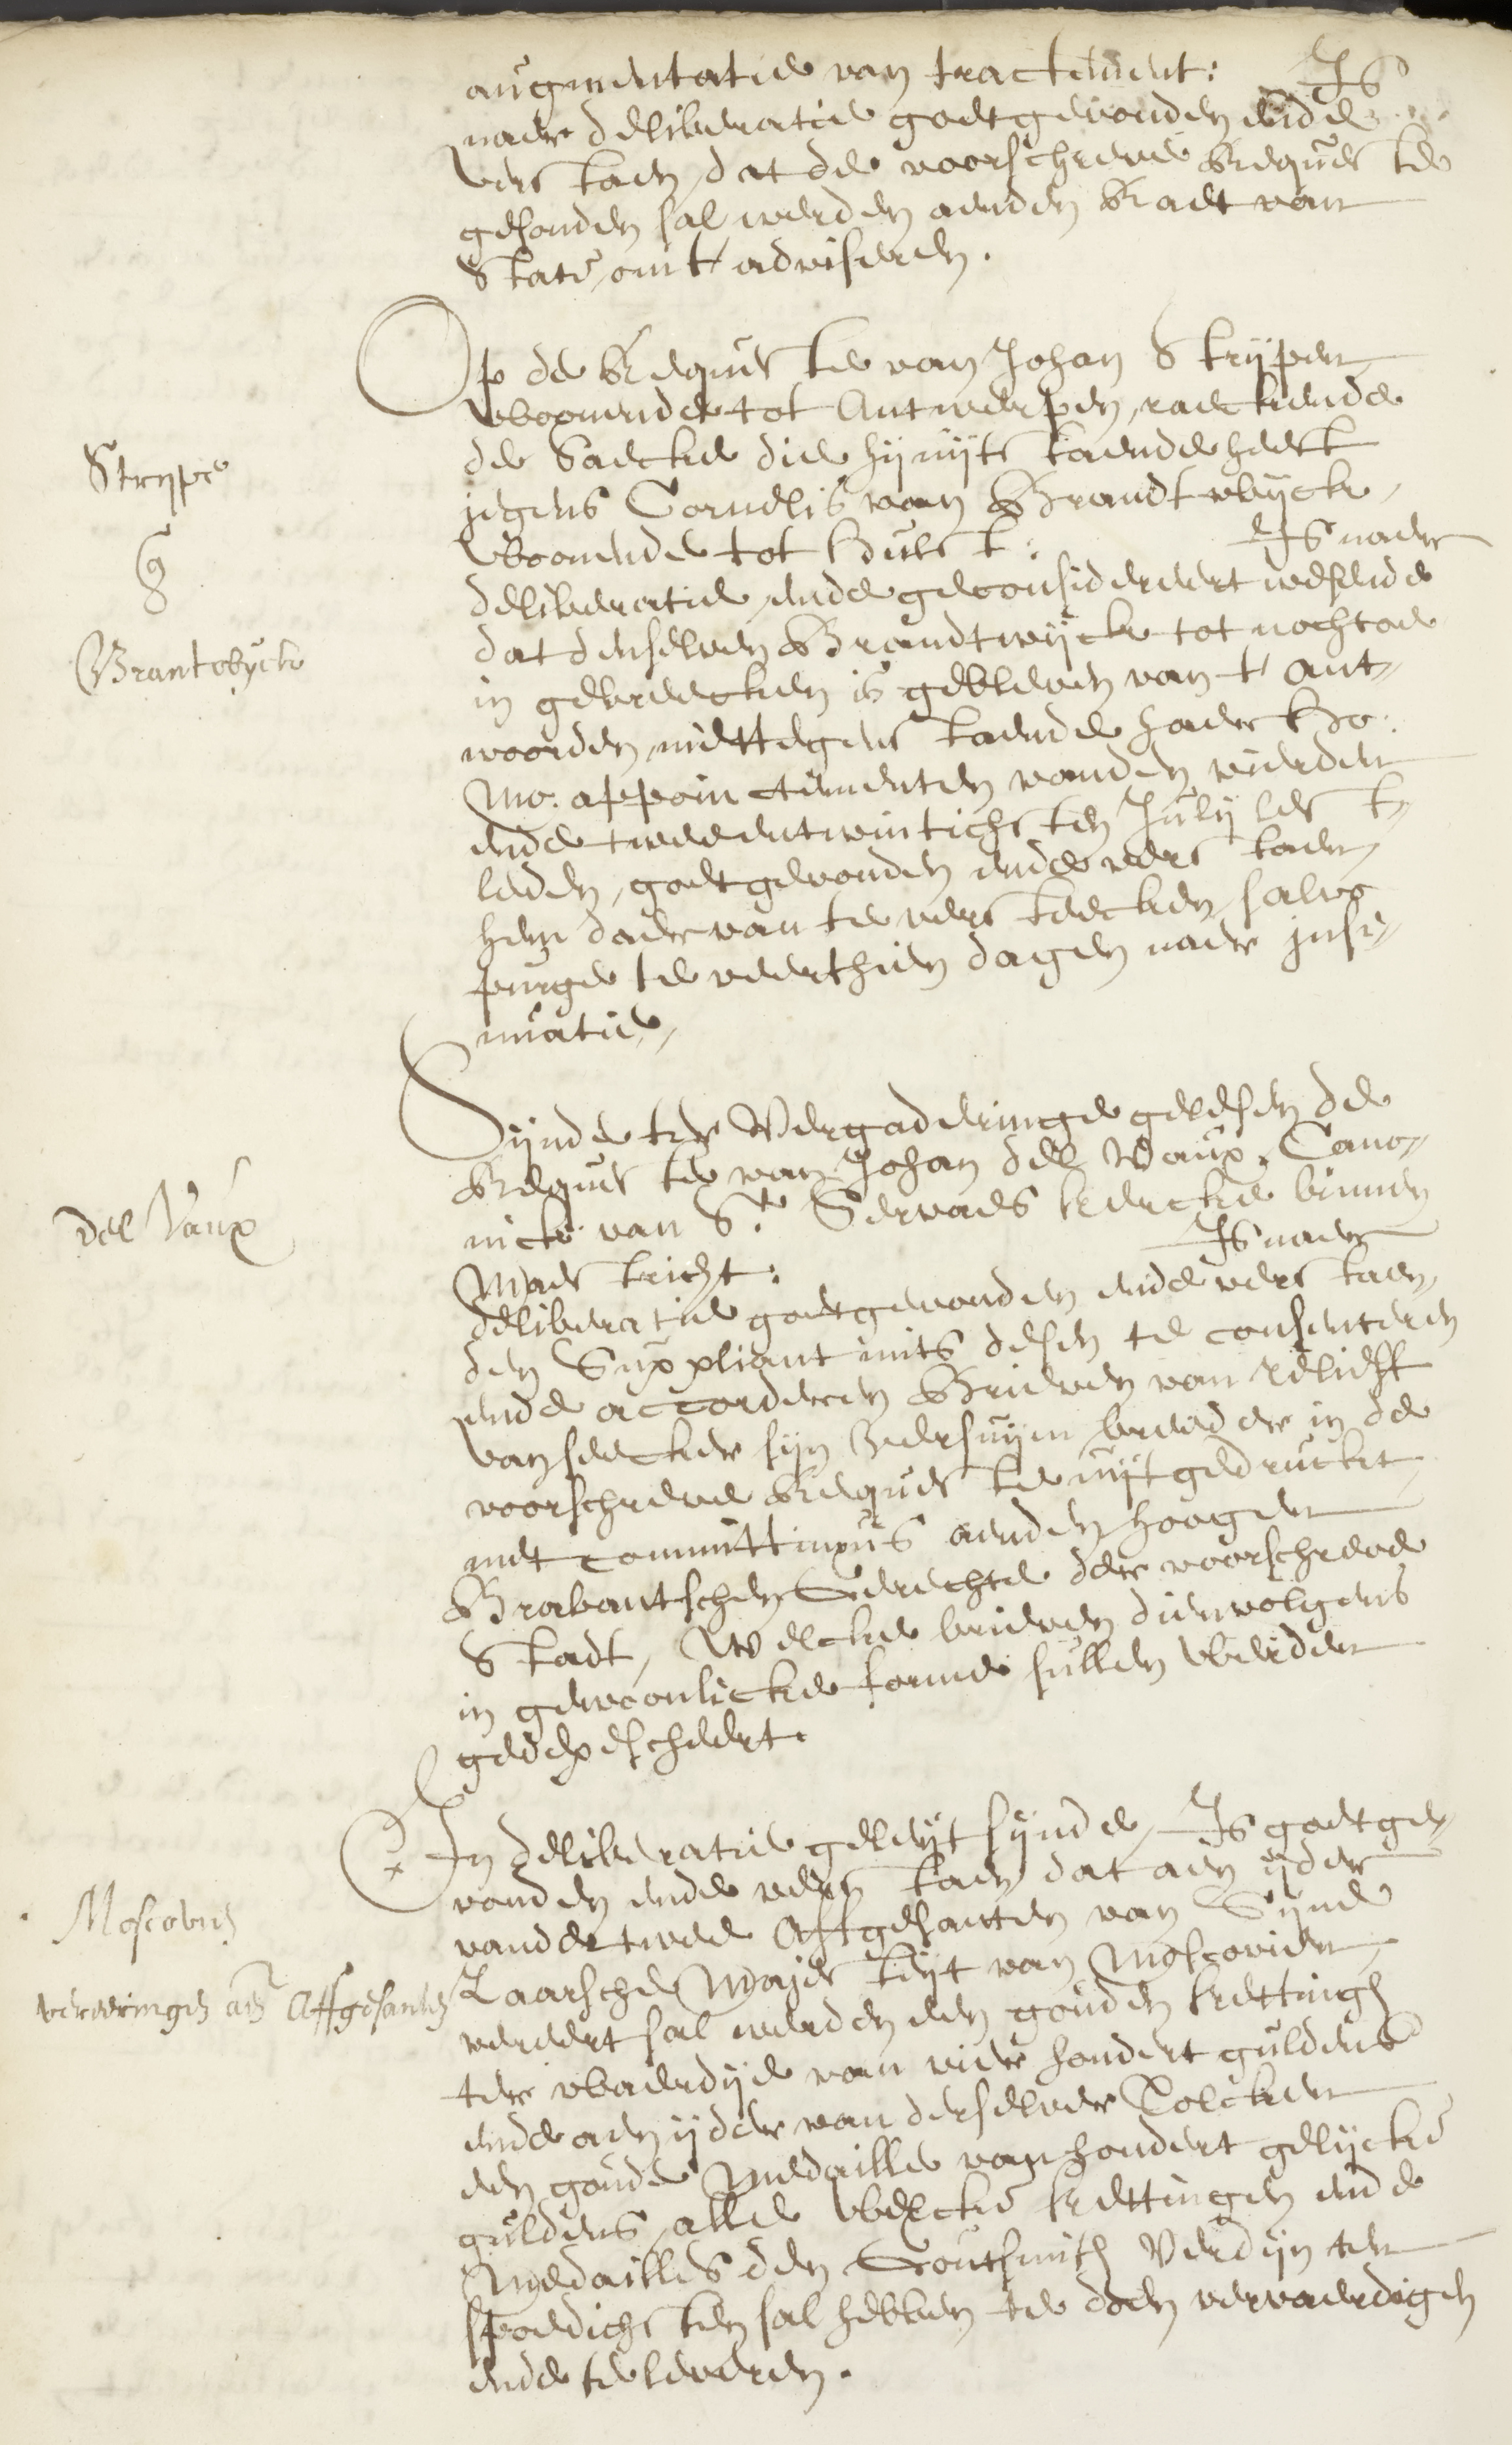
augmentatie van tractement: Is
naer deliberatie goetgevonden ende
verstaen, dat de voorschreve Requeste
gesonden sal werden aenden Raet van
State, om t' adviseren.
Strype
ca.
Brantwijck
Op de Requeste van Johan Strijpen,
woonende tot Antwerpen, raeckende
de saecke die hij uijtstaende heeft
jegens Cornelis van Brandtwijck,
woonende tot Hulst: Is naer
deliberatie, ende geconsidereert wesende
dat denselven Brandtwijck tot nochtoe
in gebreecken is gebleven van t' Ant„
woorden niettegenstaende haer Ho:
Mo: appoinctementen vanden vierden
ende tweeentwintichsten Julij lest„
leden, goetgevonden ende verstaen
hem daervan te versteecken, salvo
purge te veerthien dagen naer insi„
nuatie.
del Vaux
Sijnde ter Vergaderinge gelesen de
Requeste van Johan del Vaux, Cano„
nick van St. Servaes kercke binnen
Maestricht: Is naer
deliberatie goetgevonden ende verstaen,
den Suppliant mits desen te consenteren
ende accorderen Brieven van relieff
van seecker sijn versuijm breeder in de
voorschreve Requeste uijtgedruckt,
met committimus aenden hoogen
Brabantschen Gerechte der voorschreve
Stadt, Welcke brieven dienvolgens
in gewoonlicke forme sullen werden
gedepescheert.
Moscovien
vereeringen aen Affgesanten
In deliberatie geleijt sijnde, Is goetge„
vonden ende verstaen, dat aen ijder
vande twee Affgesanten van Sijne
Zaarsche Majesteijt van Moscovien,
vereert sal werden een gouden Kettingh
ter waerdije van vier hondert guldens
ende aen ijder van derselver Tolcken
een goude Medaille van hondert gelijcke
guldens, alle welcke Kettingen ende
Medailles den Goutsmith Verdijn ten
spoedichsten sal hebben te doen vervaerdigen
ende te leveren.
